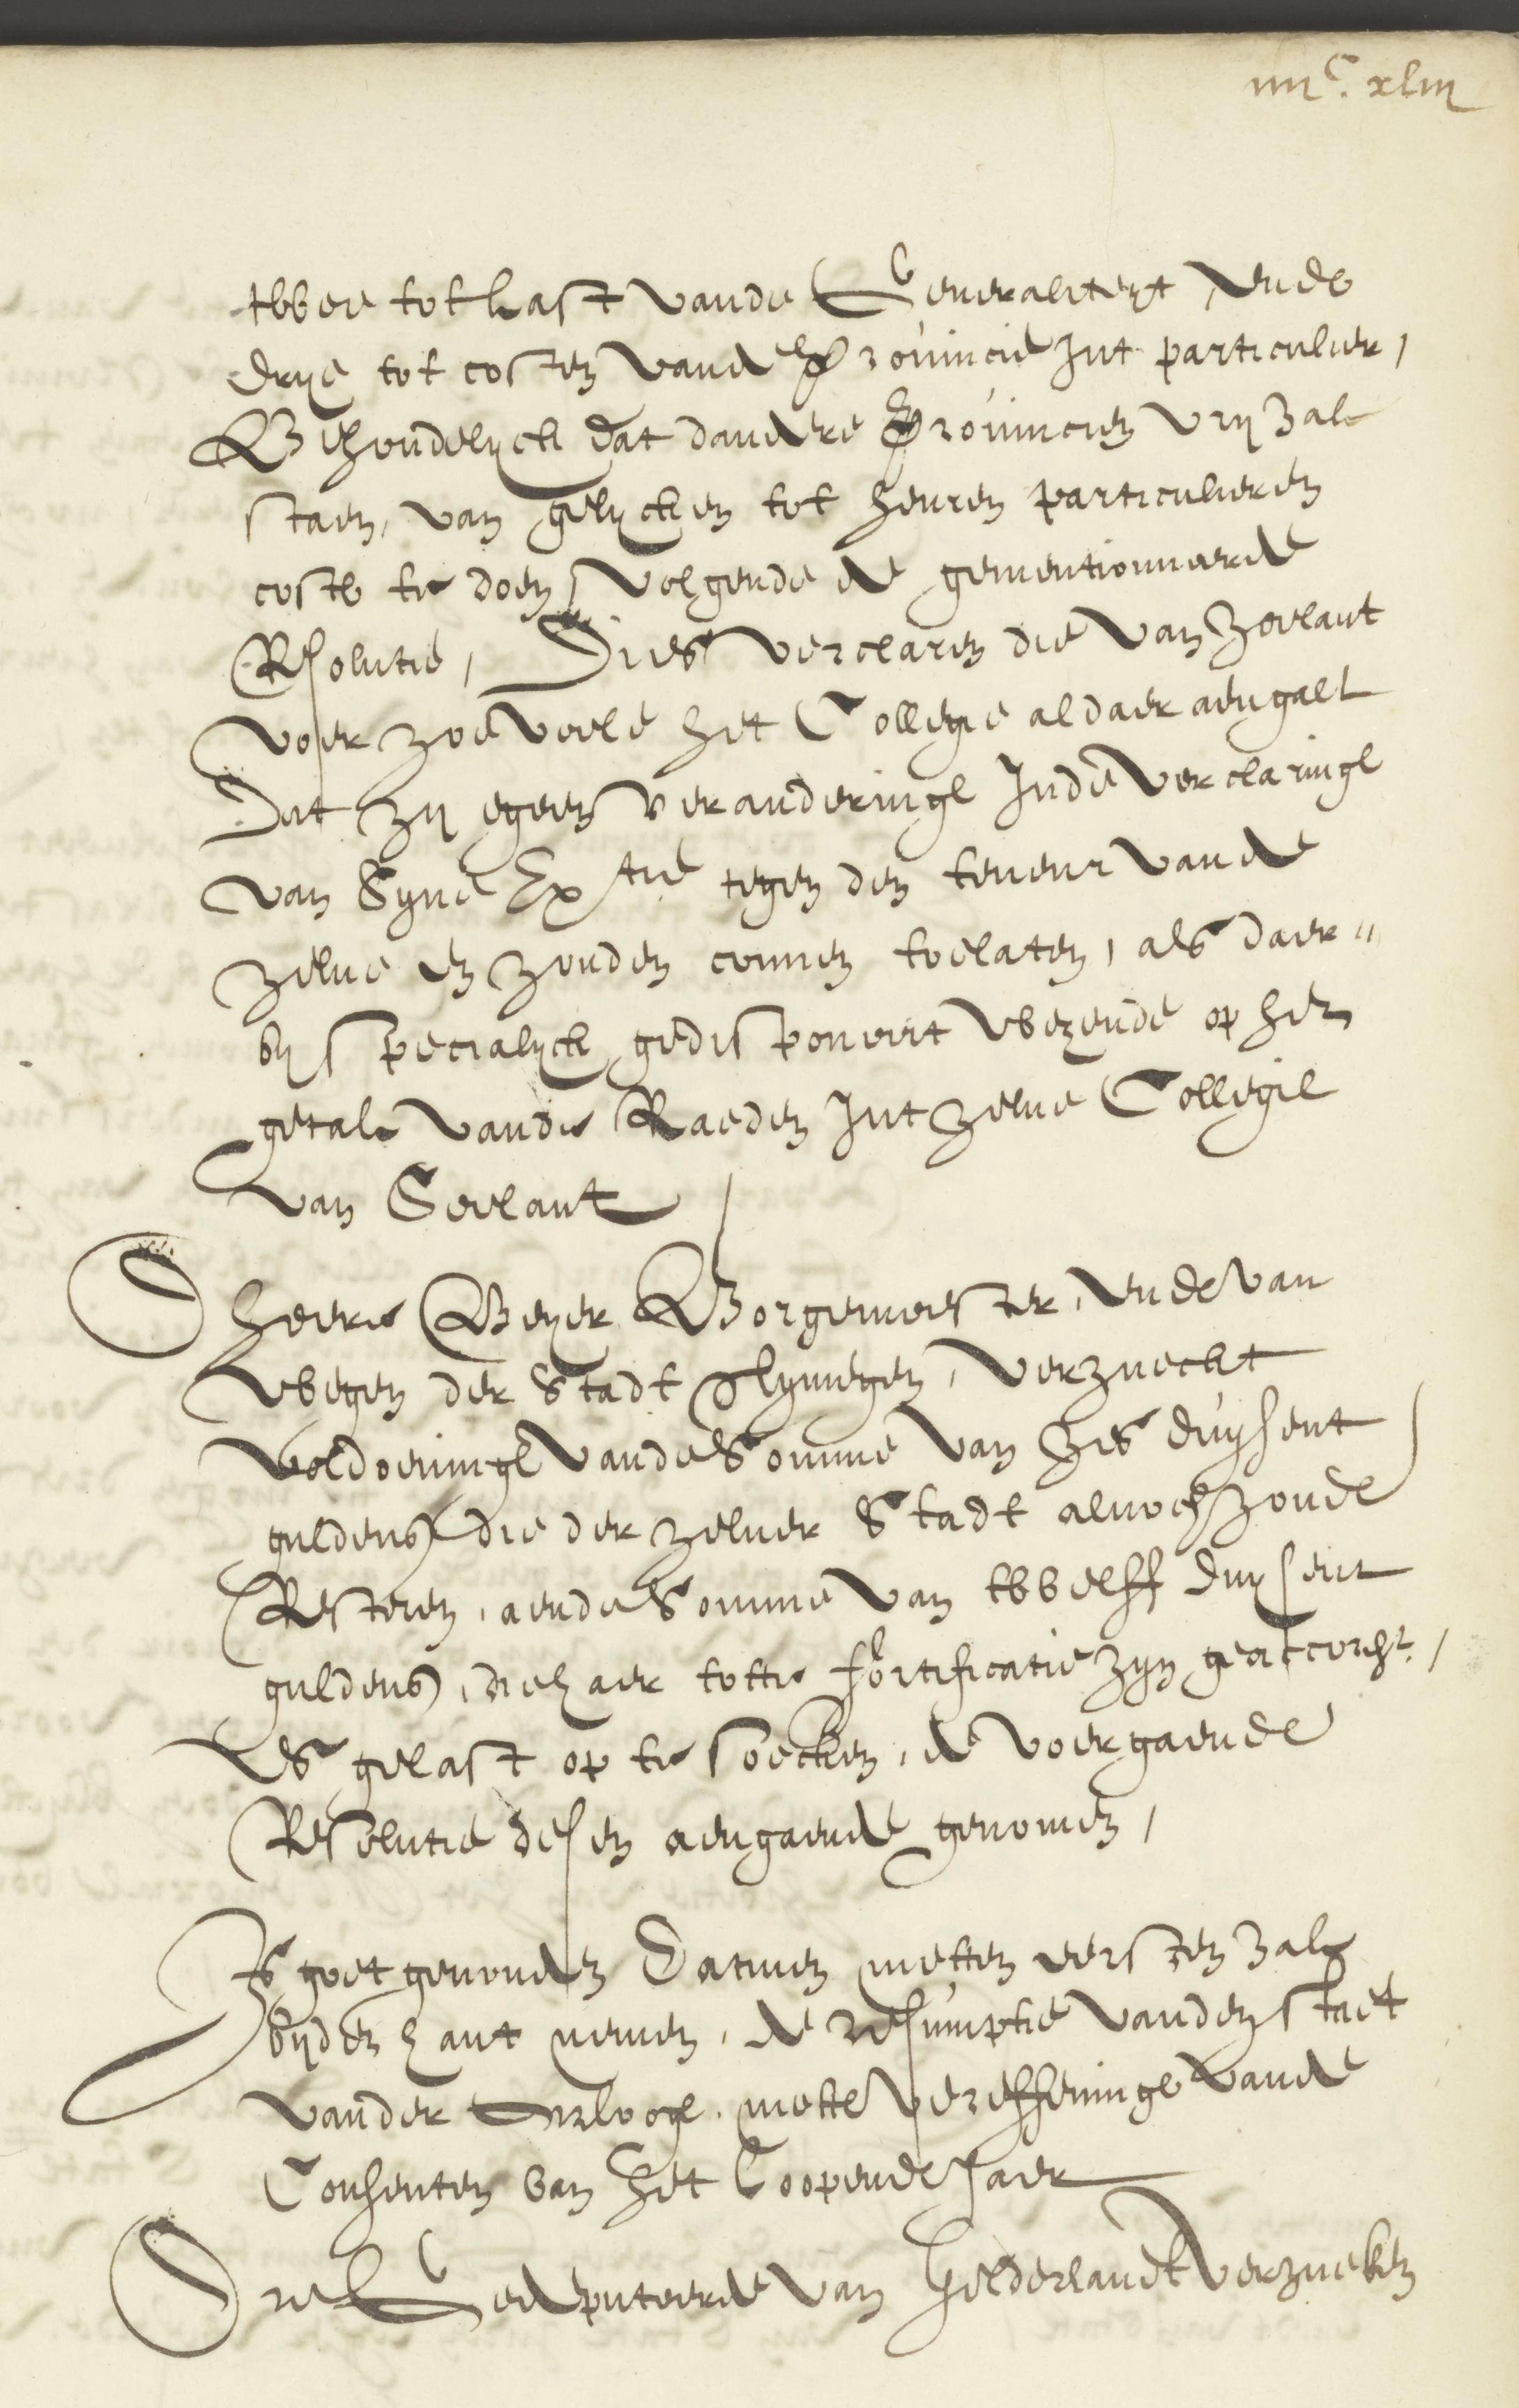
iiiic xliii
twee tot last vande Generaliteyt ende
drye tot costen vande prouincie int particulier,
Behoudelyck dat dandere prouincien vrij zal
staen van gelycken tot heuren particulieren
cost te doen, volgende de gementionneerde
Resolutie. Dies verclaren die van Zeelant
voer zoe veele het Collegie aldaer aengaet
dat zij egeen veranderinge inde verclaringh
van Sijne Extie tegen den teneur vande
zelue en zouden connen toelaten, als daer„
bij specialyck gedisponeert wezende op het
getal van de Raeden int zelve Collegie
van Seelant.
Dheere Beyer borgemeester ende van
wegen der stadt Nijmegen, verzueckt
voldoening vande somme van zes duysent
guldens die der zeluer stadt alnoch zoude
Resteren, aende somme van twelff duysent
guldens, die haer totte fortificatie zijn geaccordt.
Es gelast op te soecken de voorgaende
Resolutie desen aengaende genomen.
Is goet geuonden datmen metten eersten zal
bijden hant nemen, de resumptie vanden staet
van der Oirloogh mette vereffening vande
consenten van het loopende jaer.
Die Gedeputeerde van Gelderlandt verzueken
